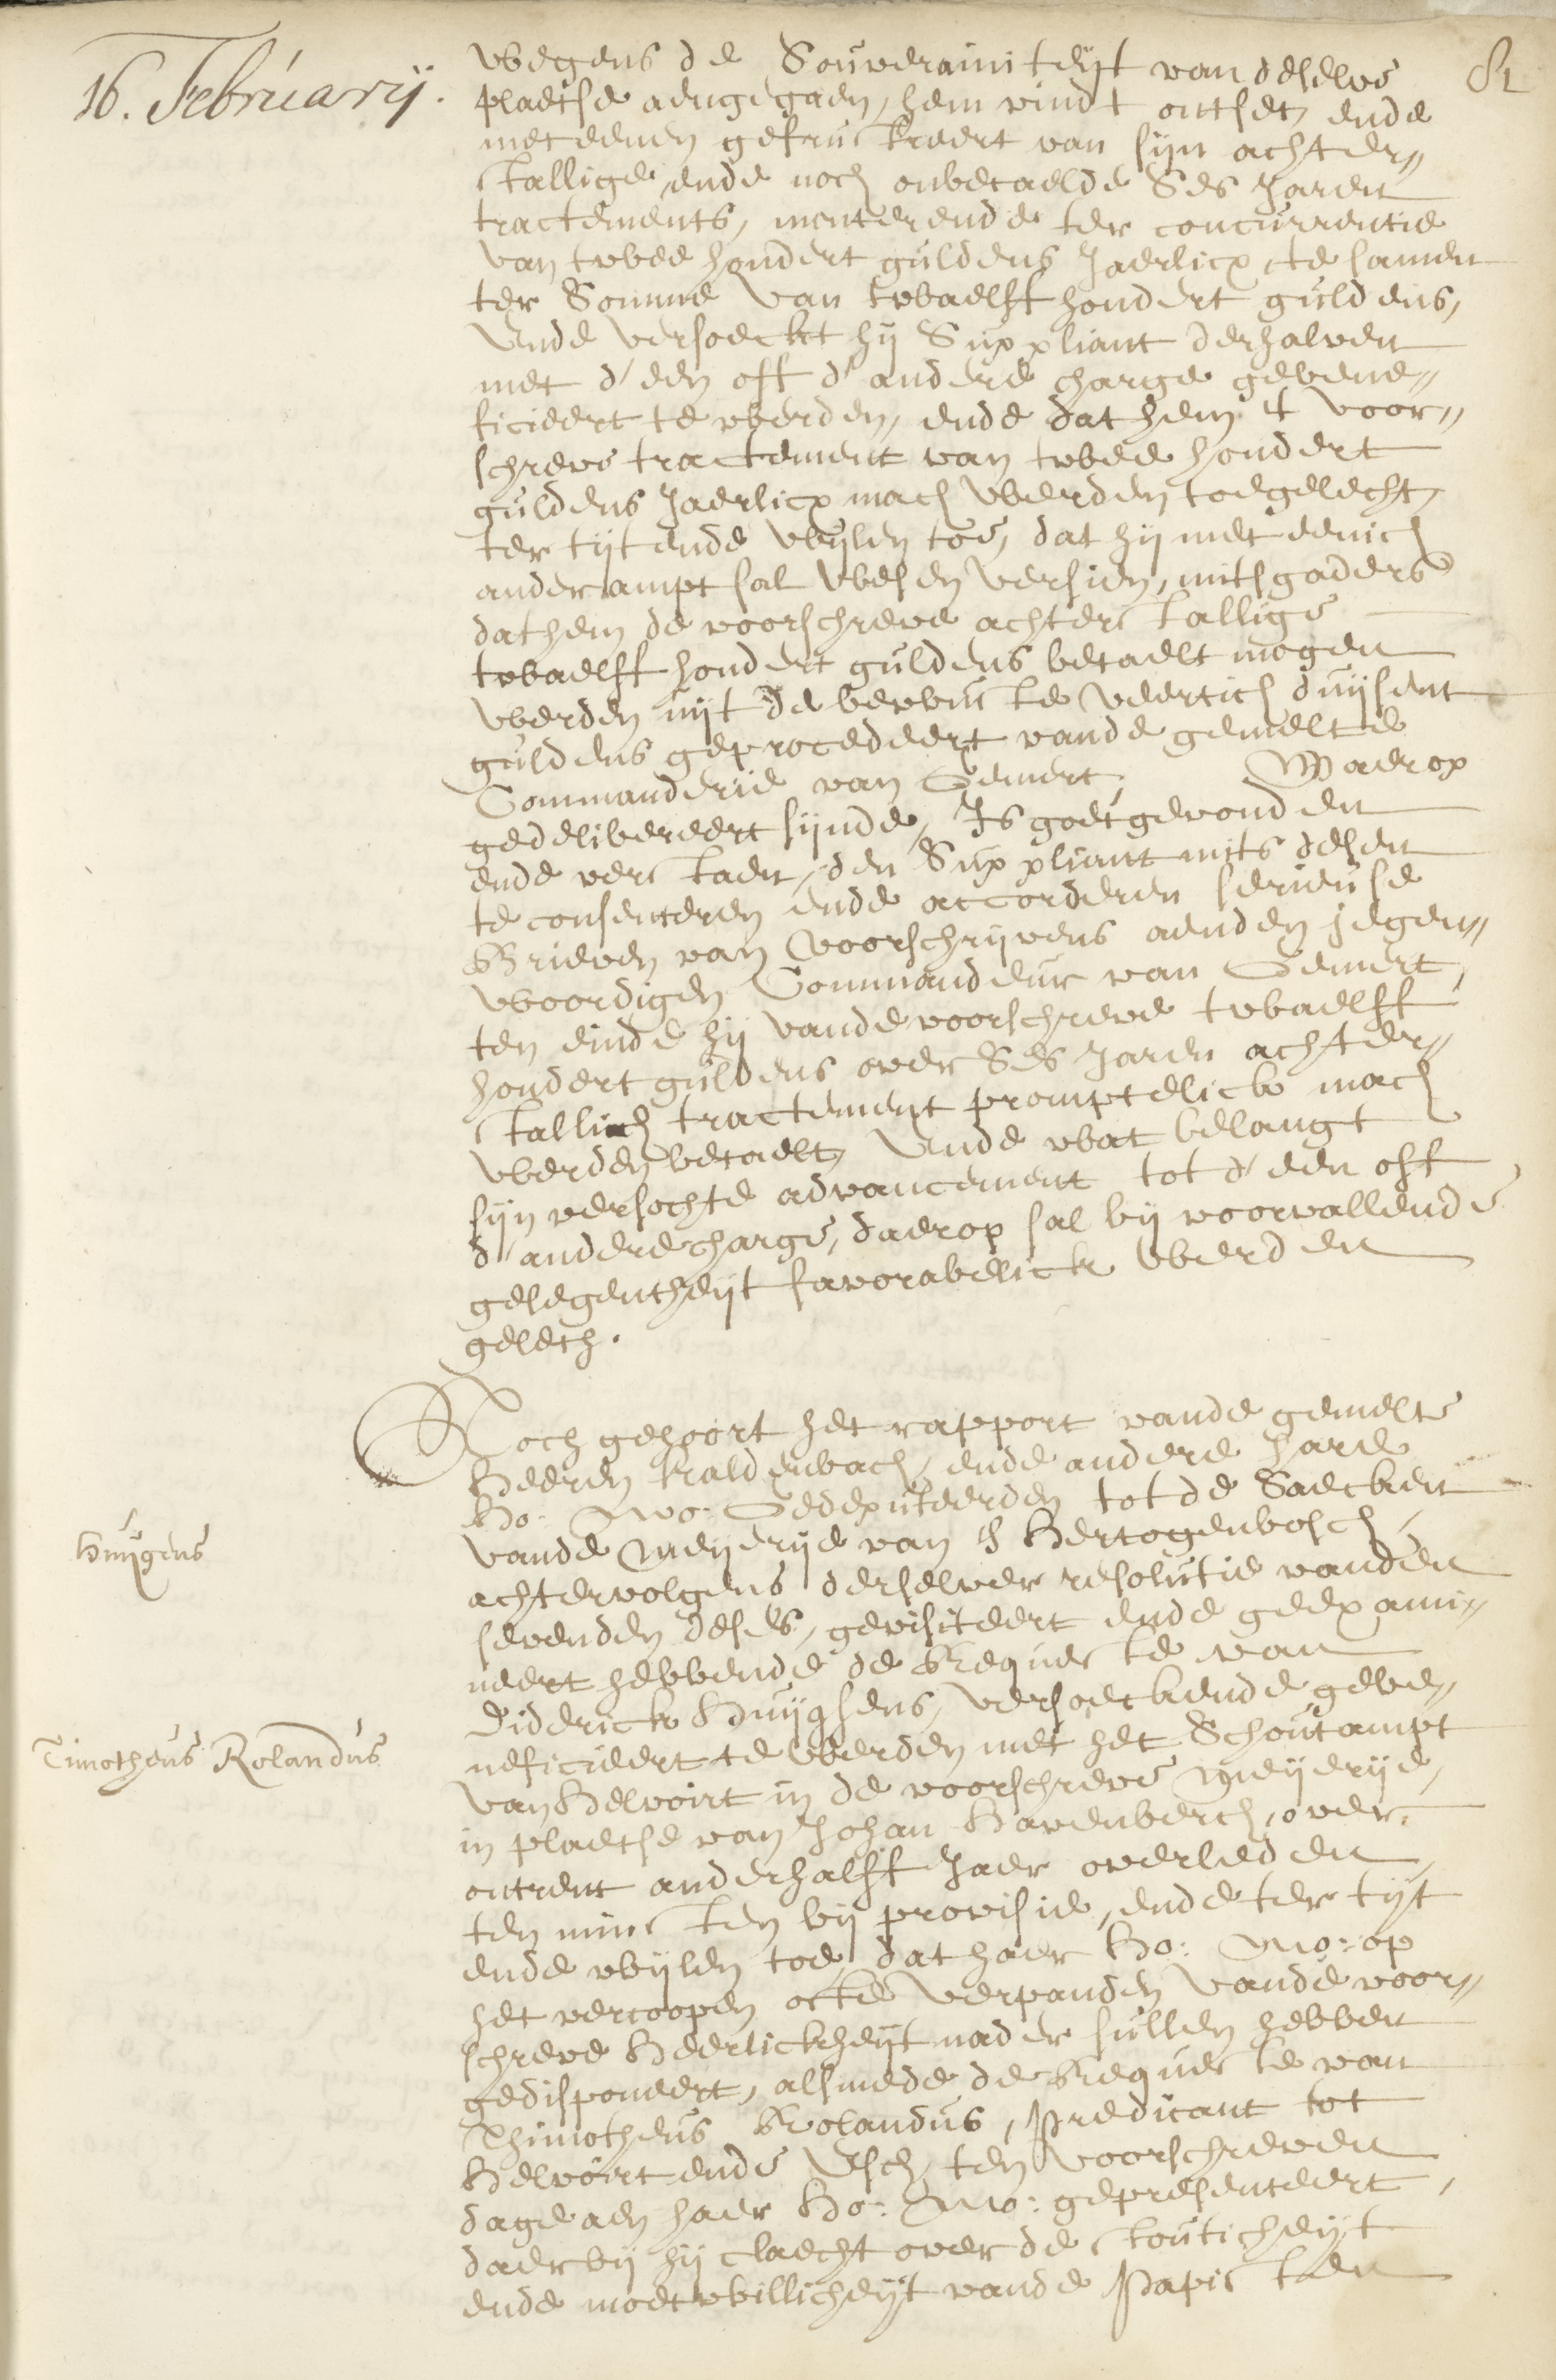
82
16. Februarij.
wegens de Souverainiteijt van deselve
plaetse aengegaen, hem vindt ontset, ende
met eenen gefrustreert van sijn achter„
stallige, ende noch onbetaelde Ses Jaren
tractements, monterende ter concurrentie
van twee hondert guldens Jaerlicx, te samen
ter somme van twaelff hondert guldens,
Ende versoeckt hij Suppliant derhalven
met d‛een off d‛andere charge gebene„
ficieert te werden, ende dat hem ‛t voor„
schreve tractement van twee hondert
guldens Jaerlicx mach werden toegelecht,
ter tijt ende wijlen toe, dat hij met eenich
ander ampt sal wesen versien, mitsgaders
dat hem de voorschreve achterstallige
twaelff hondert guldens betaelt mogen
werden uijt de bewuste veertich duijsent
guldens geprocedeert vande gemelte
Commanderie van Gemert; Waerop
gedelibereert sijnde, Is goetgevonden
ende verstaen, den Suppliant mits desen
te consenteren ende accorderen serieuse
Brieven van voorschrijvens aenden jegen„
woordigen Commandeur van Gemert,
ten einde hij vande voorschreve twaelff
hondert guldens over Ses Jaren achter„
stallich tractement promptelick mach
werden betaelt, Ende wat belangt
sijn versochte advancement tot d‛een off
d‛andere charge, daerop sal bij voorvallende
gelegentheijt favorabelick werden
geleth.
huijgens
Timotheus Rolandus
Noch gehoort het rapport vande gemelte
Heeren Kaldenbach, ende andere hare
Ho:Mo: Gedeputeerden tot de Saecken
vande meijerije van ‛s Hertogenbosch,
achtervolgens derselver resolutie vanden
sevenden deses, gevisiteert ende geexami„
neert hebbende de Requeste van
Diderick Huijghens, versoeckende gebe„
neficieert te werden met het Schoutampt
van Helvoirt in de voorschreve meijerije,
in plaetse van Johan Havenberch, over
ontrent anderhalff Jaer overleden
ten minsten bij provisie, ende ter tijt
ende wijlen toe dat haer Ho:Mo: op
het vercoopen ofte verpanden vande voor„
schreve Heerlickheijt nader sullen hebben
gedisponeert, alsmede de Requeste van
Thimotheus Rolandus, Predicant tot
Helvoirt ende Esch, ten voorschreven
dage aen haer Ho:Mo: gepresenteert,
daerbij hij claecht over de stouticheijt
ende moetwillicheijt vande Papisten
